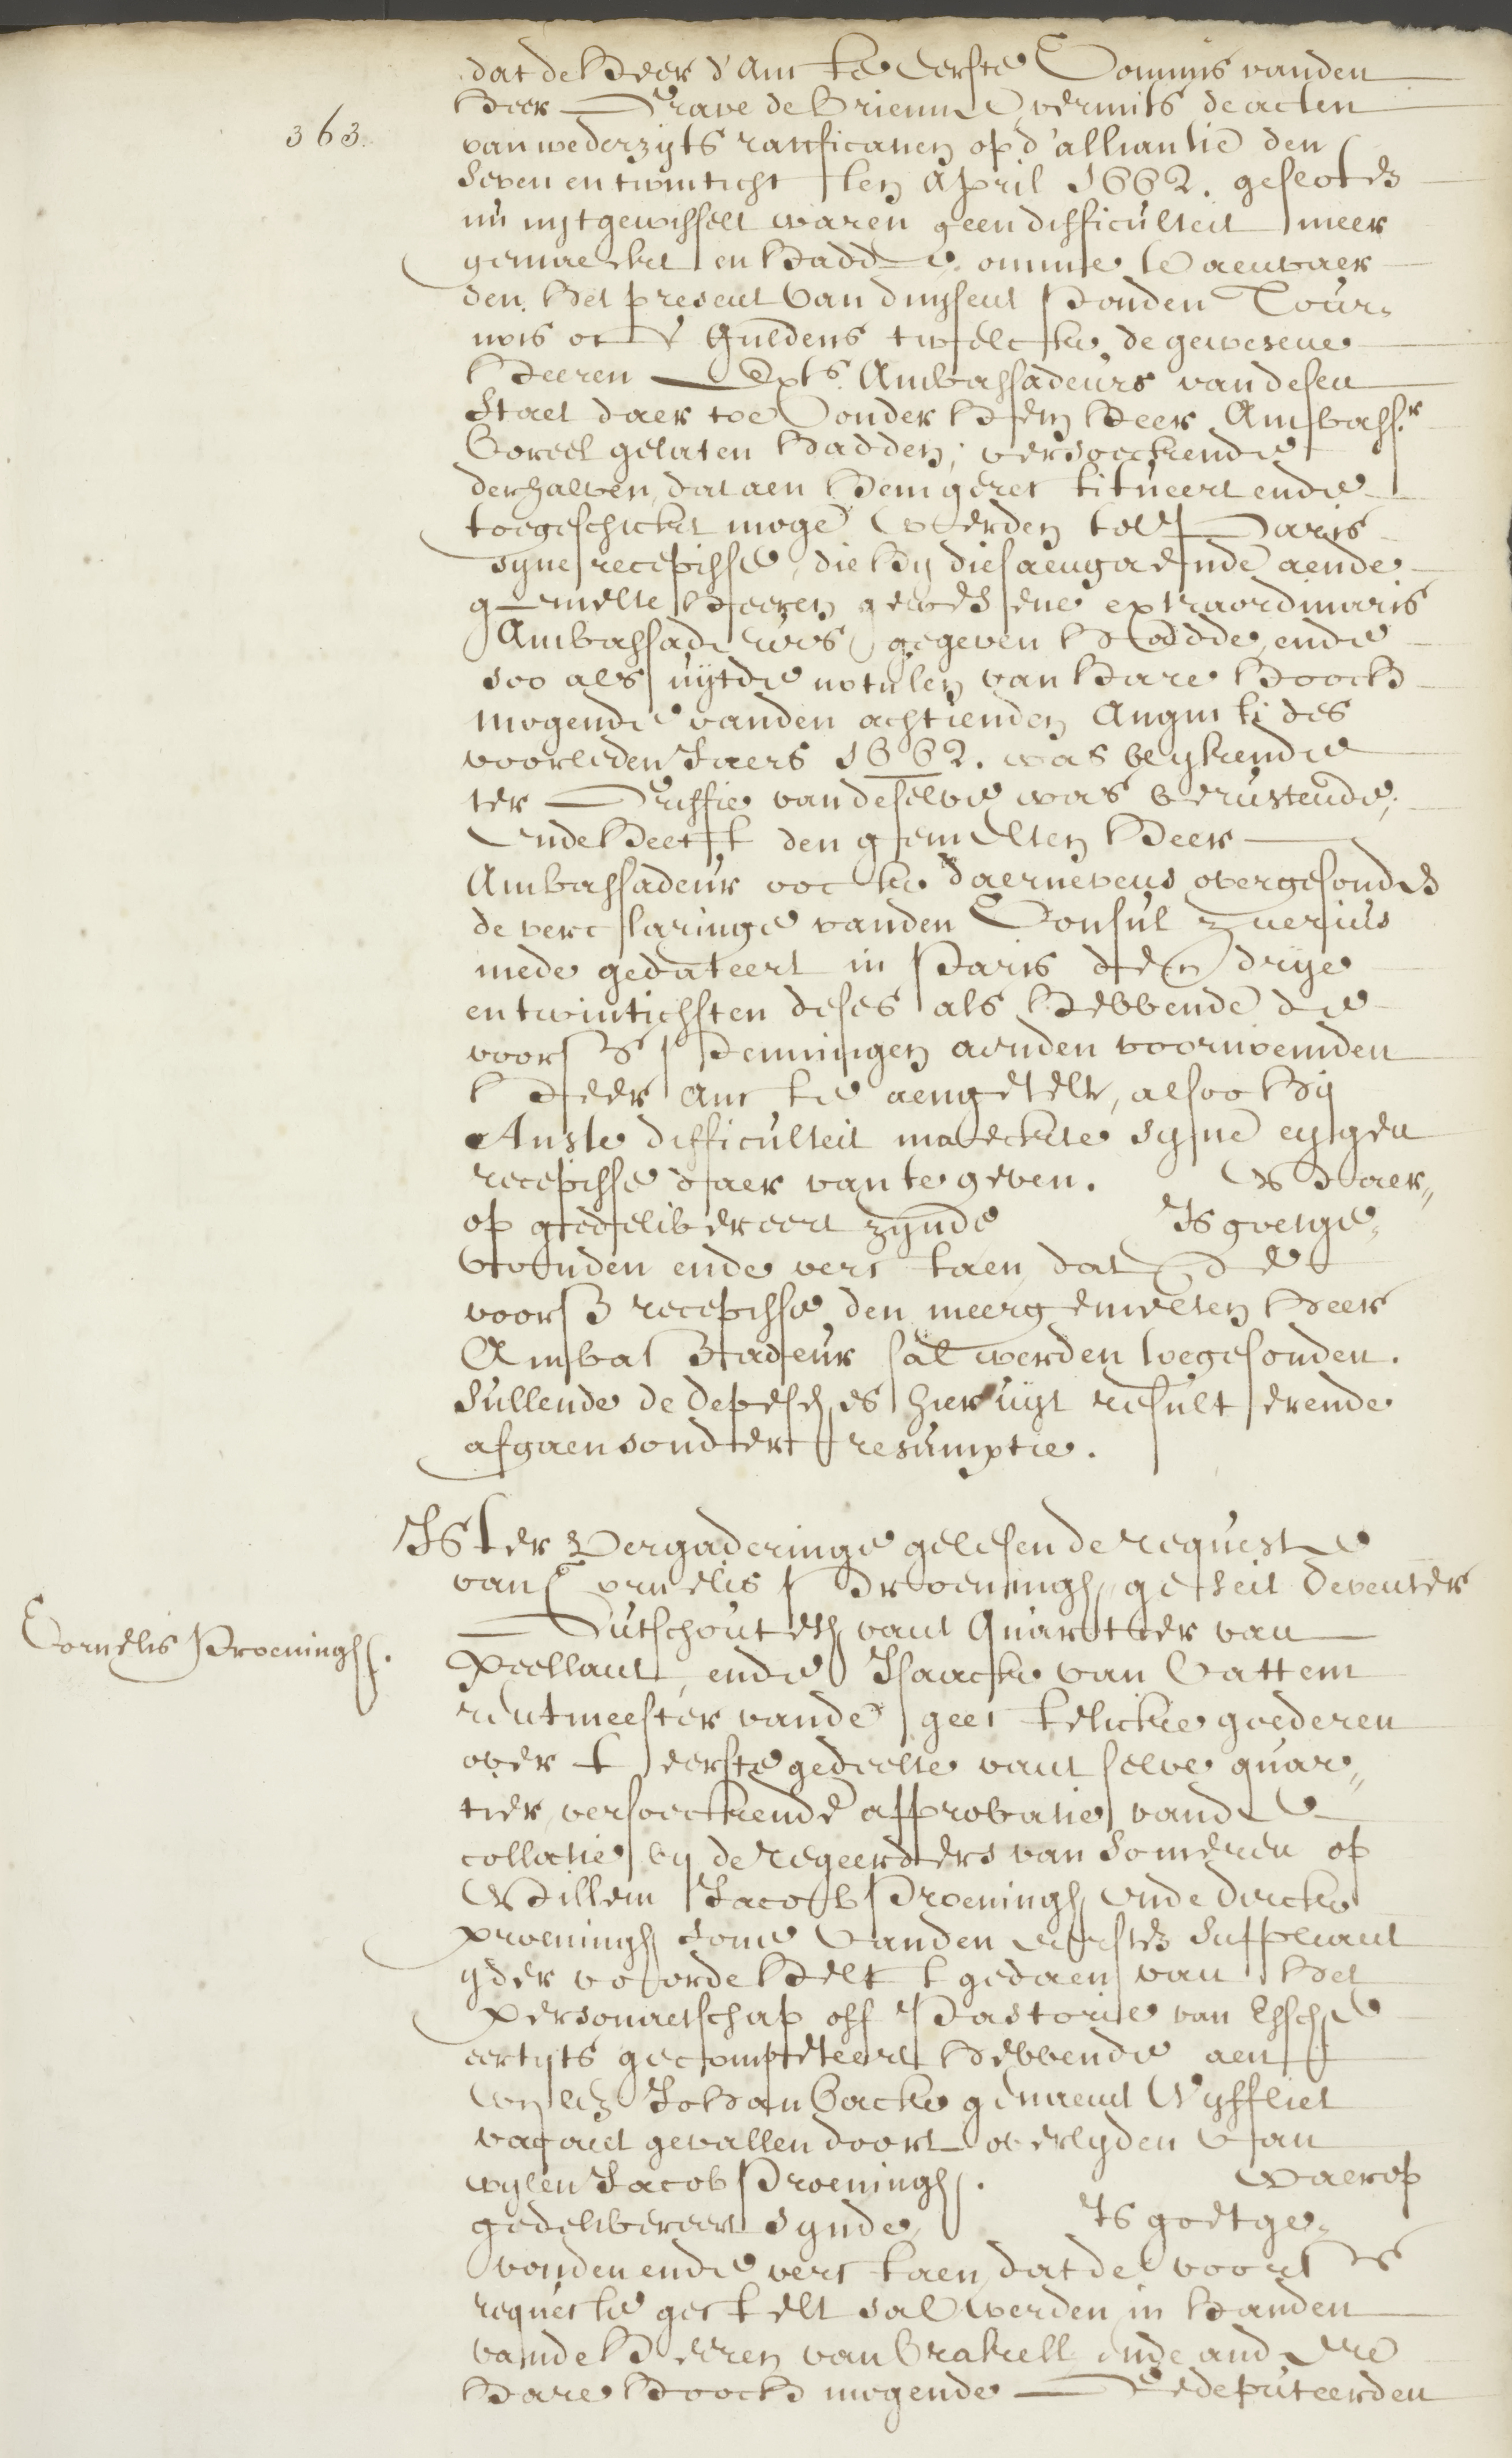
363
dat de heer d'Anste eerste commis vanden
heer Grave de Brienne overmits de acten
van wederzijts ratificatien op d'alliantie den
seven en twintichsten april 1662. gesloten
nu uijtgewisselt waren geen difficulteit meer
gemaeckt en hadde omme te aenvaer„
den het present van duysent ponden Tour„
nois off guldens twelcke de gewesene
heeren Exts Ambassadeurs van desen
Staet daer toe onder hem heer Ambassr
Boreel gelaten hadden; versoeckende
derhalven dat aen hem gerestitueert ende
toegeschickt mogen worden tot Paris
sijne recepisse, die hij dies aengaende aende
gemelte heeren gewesene extraordinaris
Ambassadeurs gegeven hadde, ende
soo als uijt de notulen van hare Hooch
Mogende vanden achtienden Augusti des
voorleden jaers 1662 was blijkende
ter Griffie van deselve voors berustende.
Ende heeft den gemelten heer
Ambassadeur oock daernevens overgesonden
de verclaringe vanden Consul Zuerius
mede gedateert in Paris den drije
en twintichsten deses als hebbende de
voors penningen aenden voornoemden
heer Anste aengetelt, alsoo hij
Anste difficulteit maeckte sijnen eijgen
recepisse daer van te geven. Daer„
op gedelibereert zijnde Is goetge„
vonden ende verstaen dat de
voors recepisse den meergemelten heer
Ambassadeur sal werden toegesonden
sullende de depesches hieruijt resulterende
afgaen sonder resumptie.
Cornelis Proeningh.
Is ter vergaderinge gelesen de requeste
van Cornelis Proeningh geseit Deventer
Outschouteth vant quartier van
Peellant, ende Isaack van Hattem
rentmeester vande geestelicke goederen
over t eerste gedeelte vant selve quar„
tier, versoeckende approbatie vande
collatie bij de regeerders van Someren op
Willem Jacob Proeningh ende Derck
Proeningh sone vanden eersten suppliant
yder voor de helft gedaen van het
personaetschap off pastorie van Essche
eertijts gecompeteert hebbende aen
wijlen Johan Backe genaemt Wijffliet
vacant gevallen doort overlijden van
wijlen Jacob Proeningh. Waerop
gedelibereert sijnde, Is goetge„
vonden ende verstaen, dat de voors
requeste gestelt sal werden in handen
vande heeren van Brakell ende andere
hare Hooch Mogende Gedeputeerden
